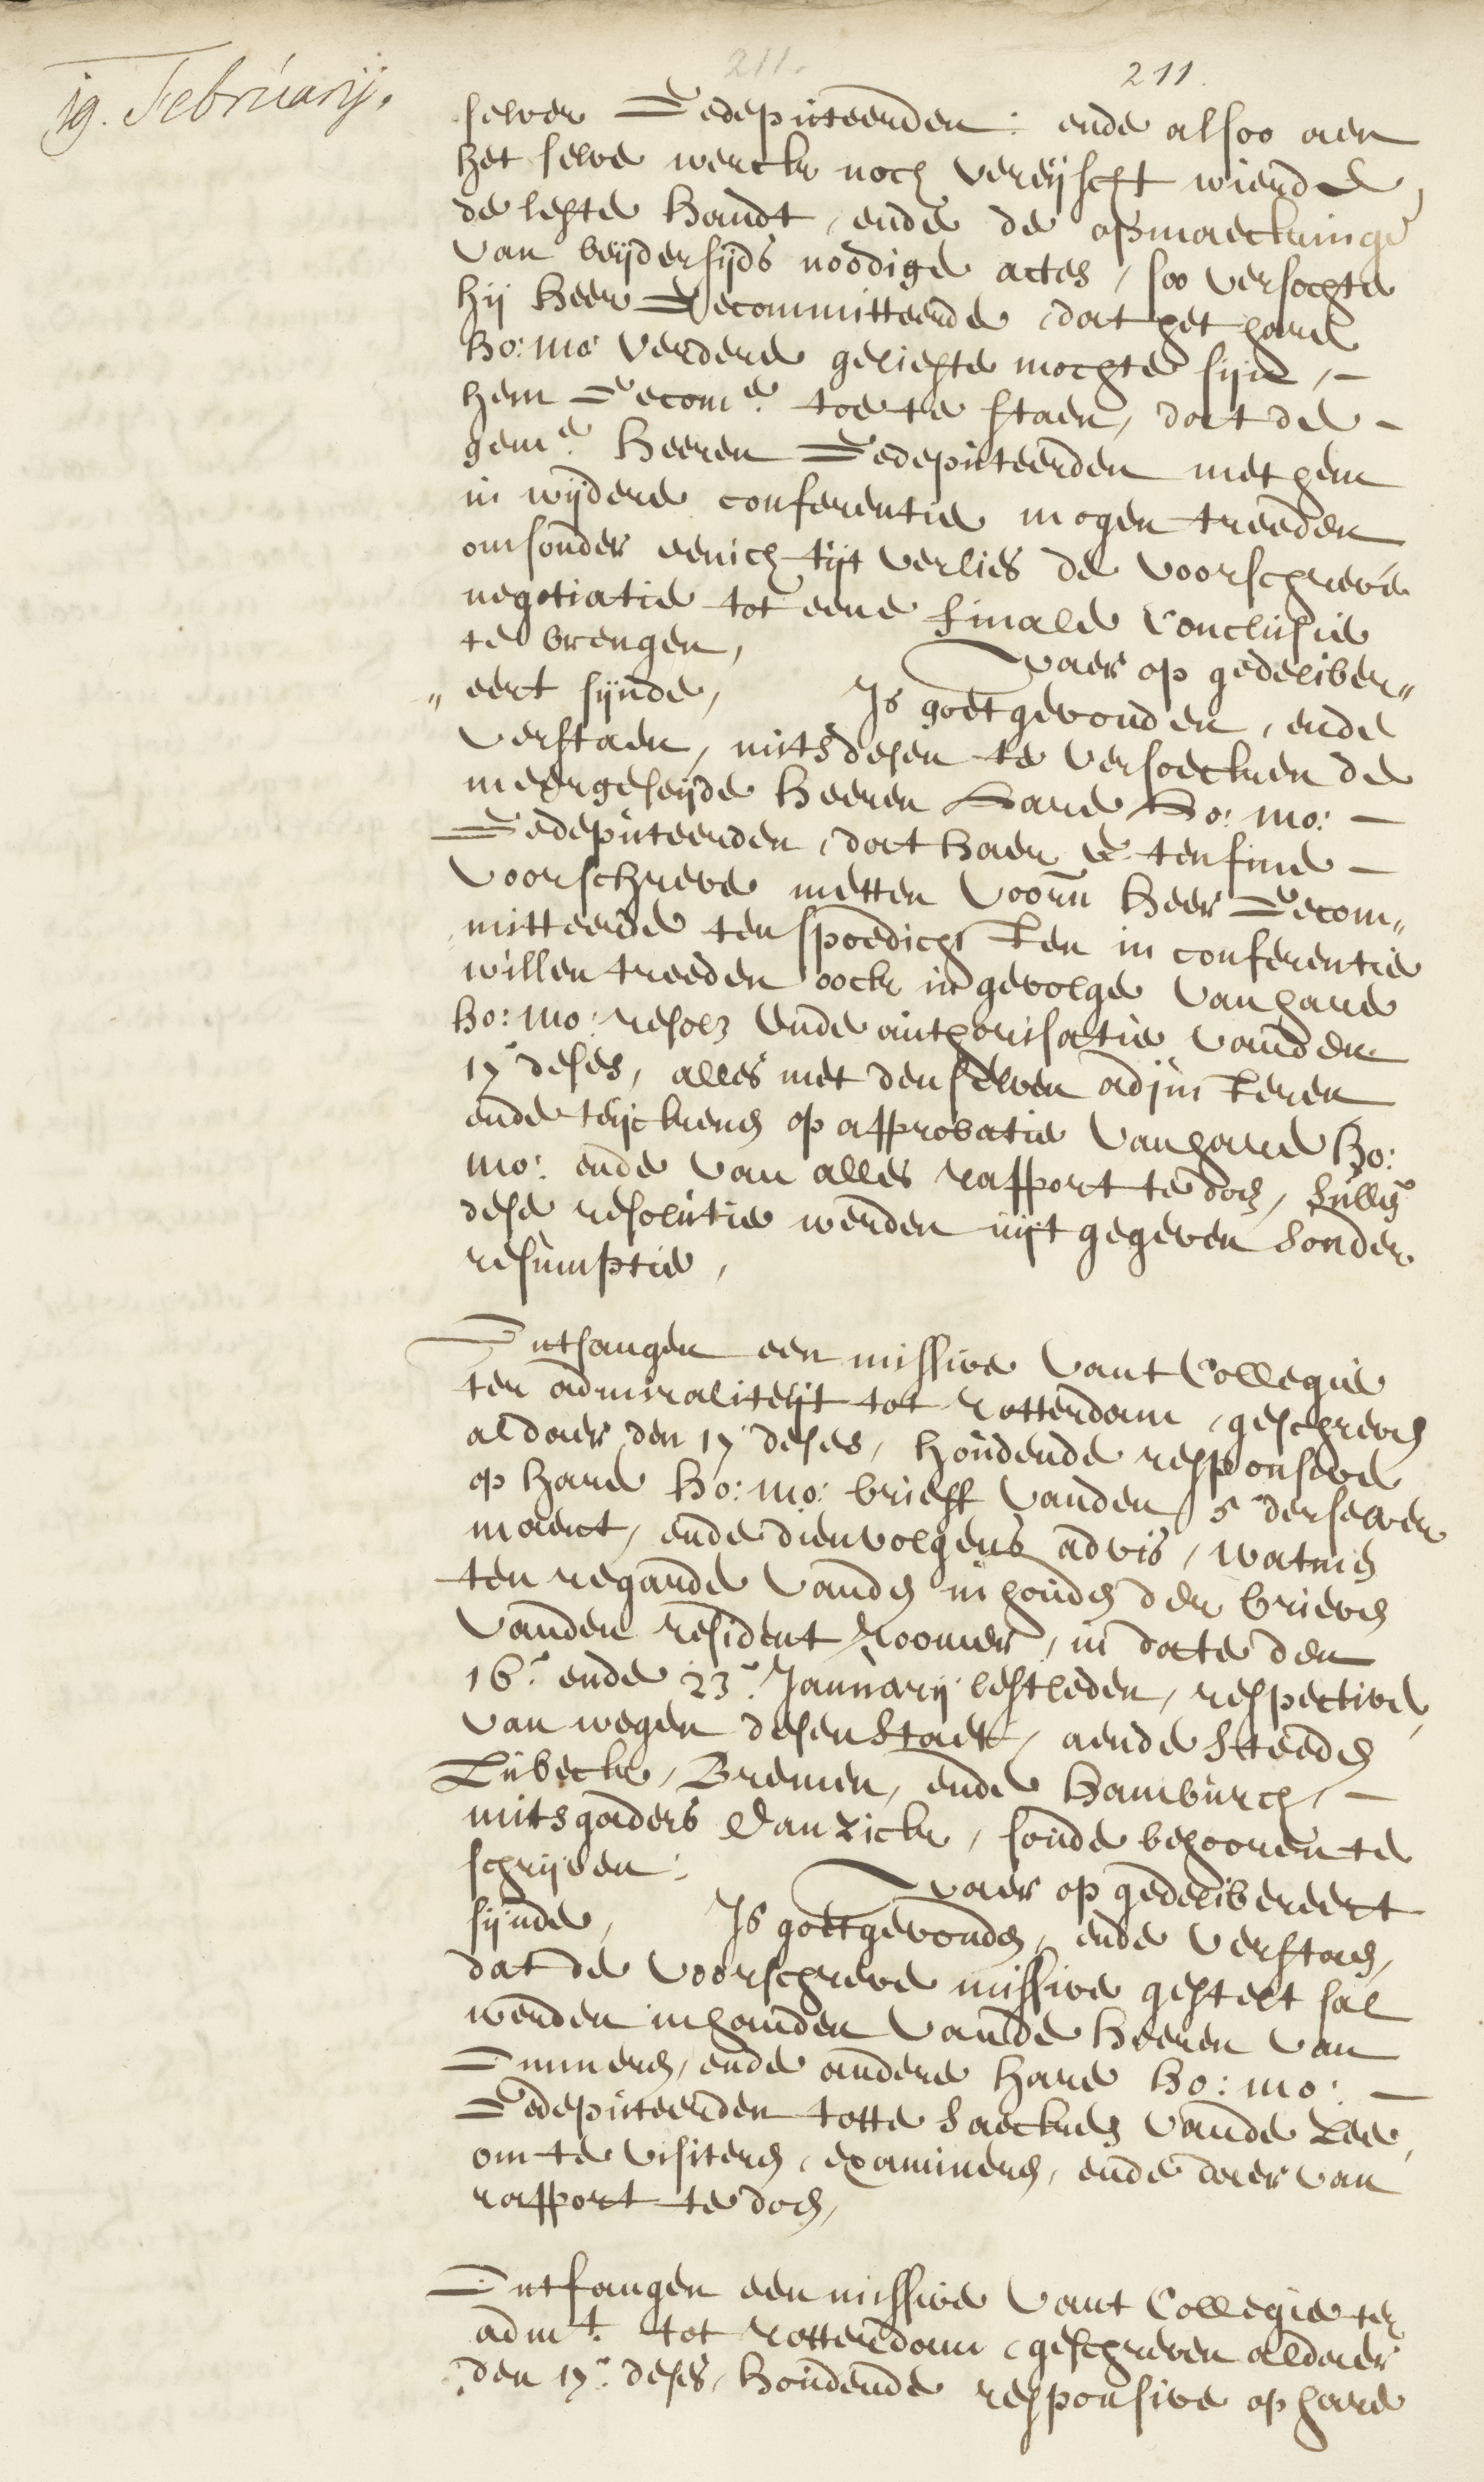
211.
211.
19. Februarij.
selver Gedeputeerden: ende alsoo aen
het selve werck noch vereijscht wierde
de leste handt, ende de opmaeckinge,
van beijdersijds noodige actes, soo versochte
hij heer Gecommitteerde, dat het hare
Ho:Mo: verdere geliefte mochte sijn, -
hem Gecome. toe te staen, dat de
geme. Heeren Gedeputeerden met hem
in wijdere conferentie mogen treeden
om sonder eenich tijt verlies de voorschreve
negotiatie tot eene finale Conclusie
te brengen. Waer op gedeliber„
„eert sijnde, Is goetgevonden, ende
verstaen, mitsdesen te versoecken de
meergeseijde heeren Hare Ho:Mo:
Gedeputeerden, dat haer E. ten fine
voorschreve metten voorn Heer Gecom„
„mitteerde ten spoedichsten in conferentie
willen treeden oock ingevolge van hare
Ho:Mo: resol Ende authorisatie vanden
17’ deses, alles met denselven adjusteren
ende teijckenen op approbatie van hare Ho:
Mo: ende van alles rapport te doen, sullen
dese resolutie werden uijtgegeven sonder
resumptie.
Ontfangen een missive vant Collegie
ter admiraliteijt tot Rotterdam, geschreven
aldaer den 17’ deses, houdende responsive
op hare ho:mo: brieff vanden 5’ derselver
maent, ende dienvolgens advis, watmen
ten regarde vanden inhouden der brieven
vanden resident Roomer, in date den
16e. ende 23e. Januarij lestleden, respective
van wegen desen Staet, aende Steeden
Lubeck, Bremen, ende Hamburch —
mitsgaders Danzick, soude behooren te
schrijven: Waer op gedelibereert
sijnde, Is goetgevonden, ende verstaen,
dat de voorschreve missive gestelt sal
werden in handen vande heeren van
Ommeren, ende andere hare ho:mo:
Gedeputeerden totte saecken vande Zee,
om te visiteren, examineren, ende daer van
rapport te doen.
Ontfangen een missive vant Collegie ter
admt. tot Rotterdam, geschreven aldaer
den 17e. deses, houdende responsive op hare
